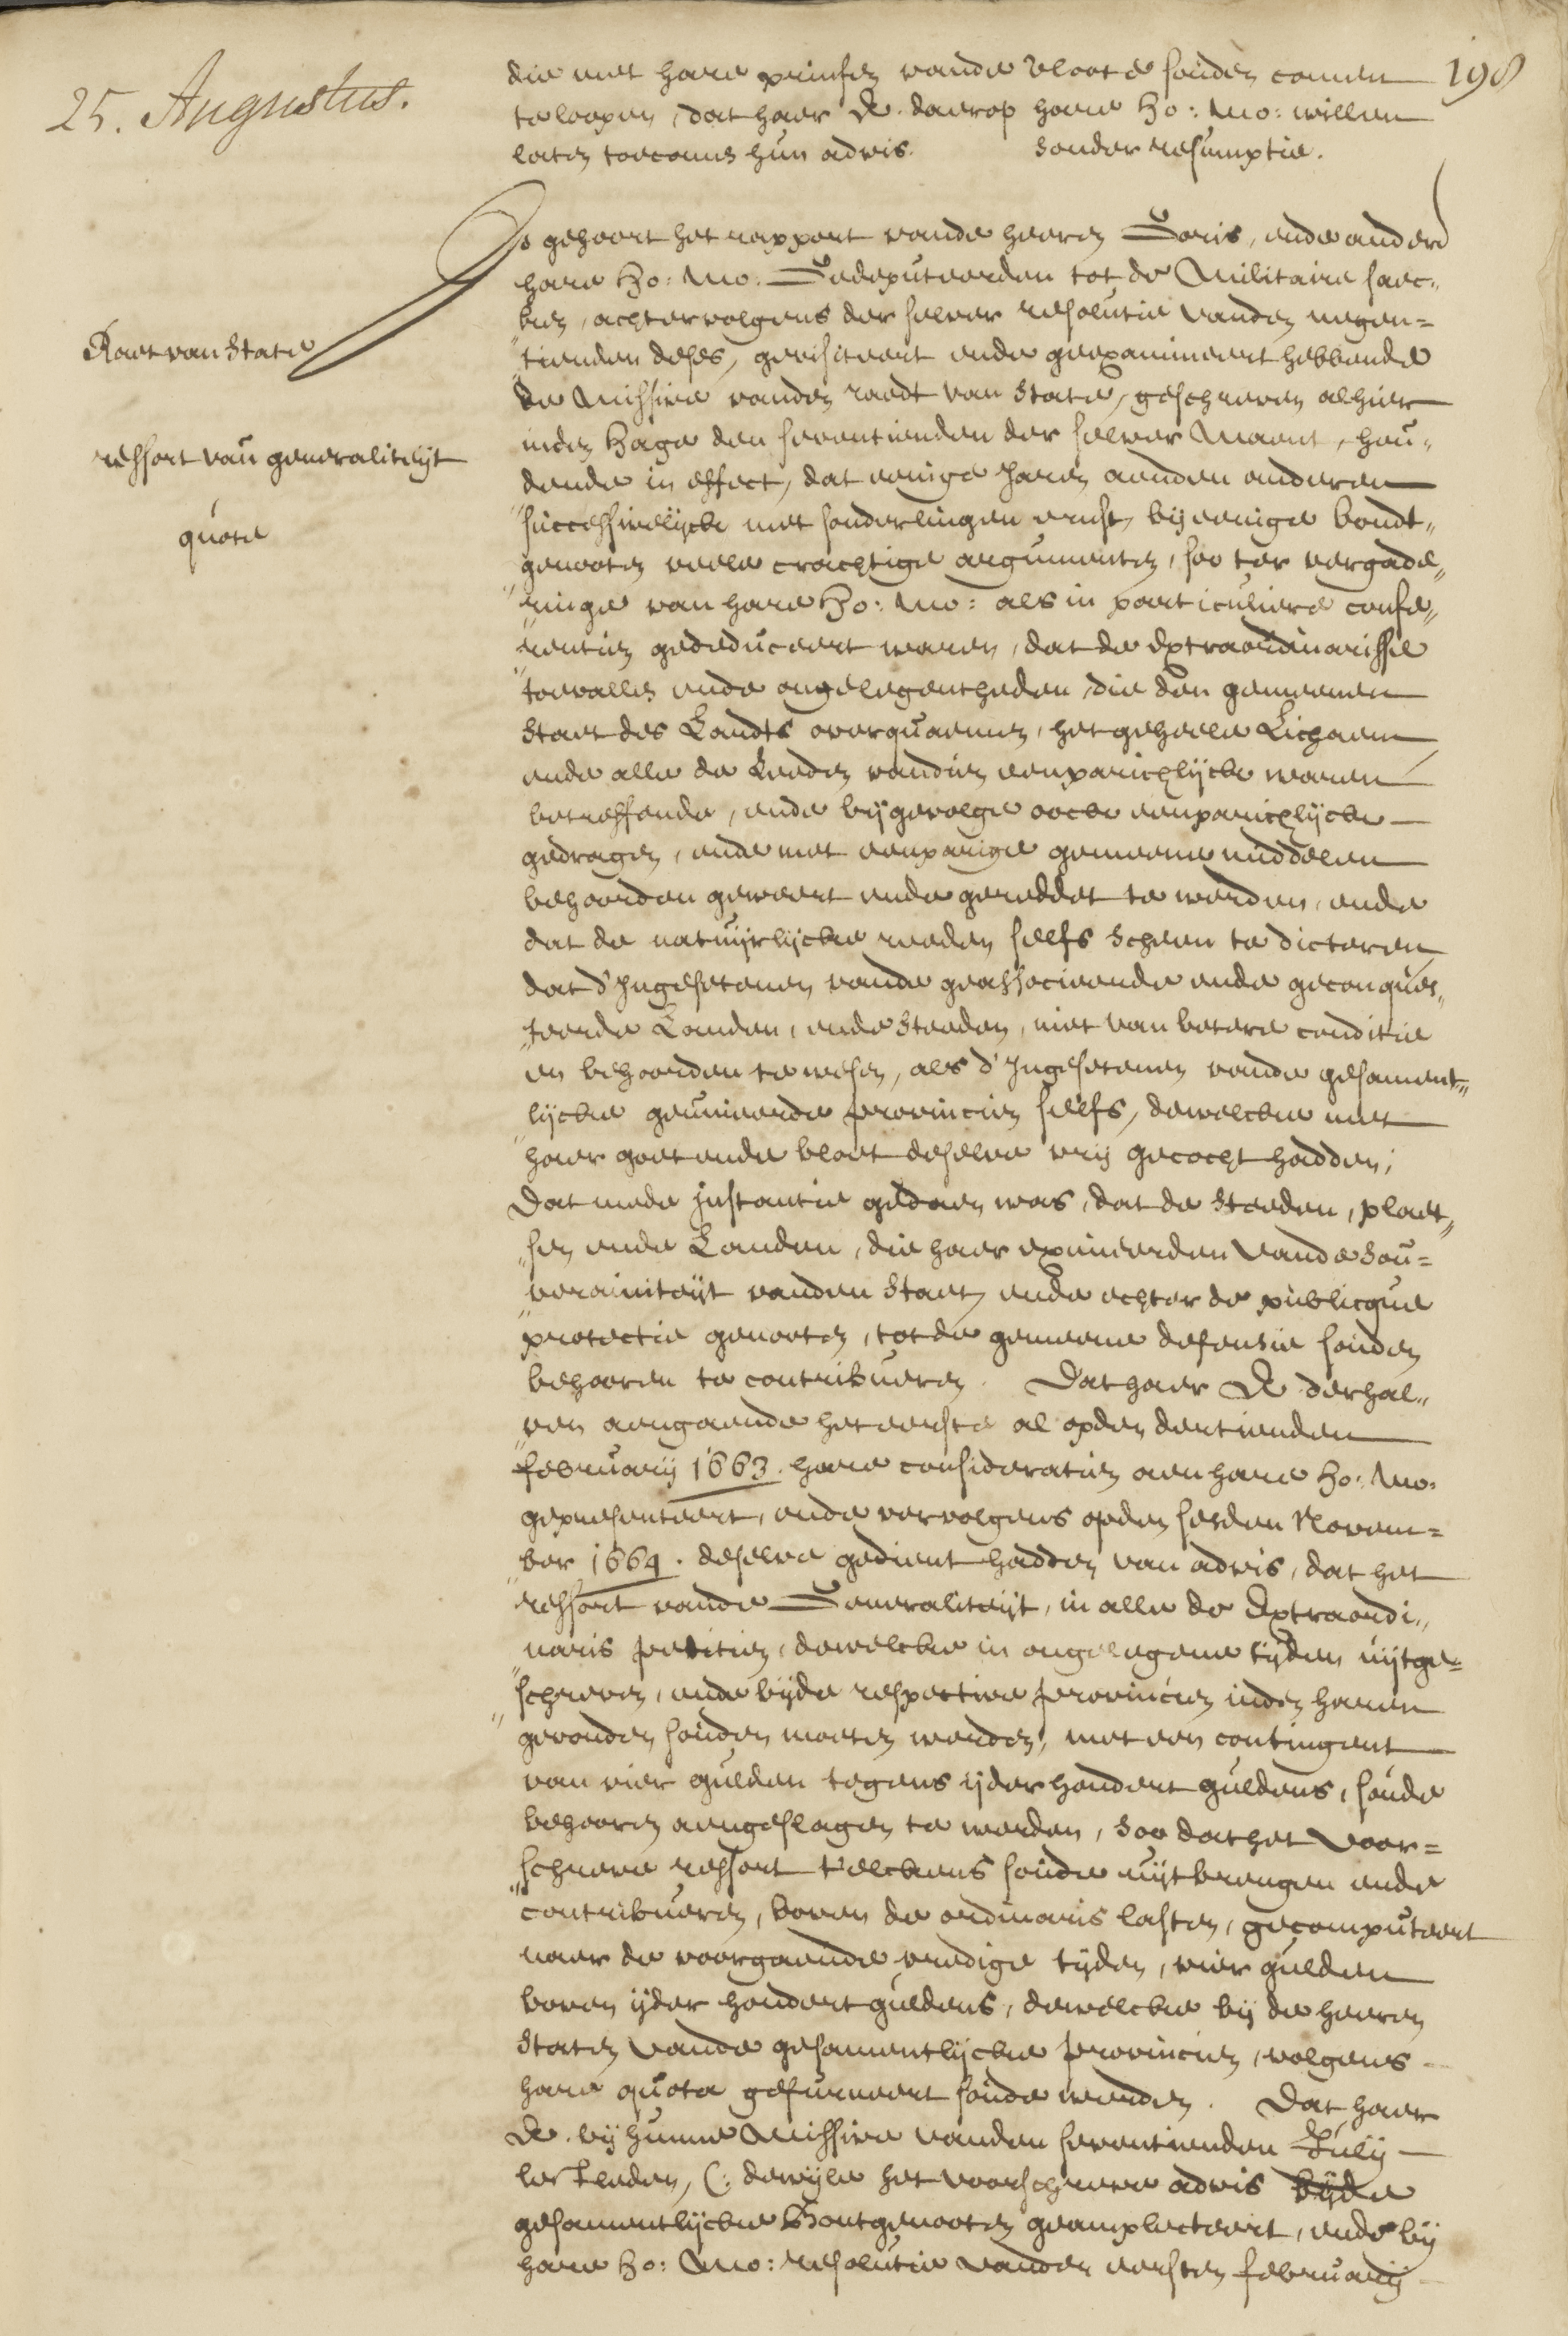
198
25. Augustus.
die met hare prinsen vande vloote souden comen
te loopen, dat haer E. daerop hare Ho:Mo: willen
laten toecomen hun advis. sonder resumptie.
Raet van State
ressort van Generaliteijt
quote
Is gehoort het rappert vande heeren Goris, ende andere
hare Ho:Mo: Gedeputeerden tot de Militaire saec„
,,ken, achtervolgens der selver resolutie vanden negen„
tienden deses, gevisiteert ende geexamineert hebbende
de missive vanden raedt van State, geschreven alhier
inden Hage den seventienden der selver Maent, hou„
,,dende in effect, dat eenige Jaren aenden anderen
successivelijck met sonderlingen ernst, bij eenige bondt„
,,genooten veele crachtige argumenten, soo ter vergade„
ringe van hare Ho:Mo: als in particulliere confe„
rentien gededuceert waren, dat de extraordinarisse
toevallen ende ongelegentheden, die den gemeenen
staet des Landts overquaemen, het geheele Lichaem
ende alle de quaden vandien eenparichlijck waren
betreffende, ende bijgevolge oock eenparichlijck
gedragen, ende met eenparige gemeene middelen
behoorden geweert ende gereddet te werden, ende
dat de natuijrlijcke reeden selfs scheen te dicteren
dat d'Ingesetenen vande geassocieerde ende geconques„
teerde Landen, ende Steeden, niet van betere conditie
en behoorden te wesen, als d'Ingesetenen vande gesament„
,,lijcke geunieerde provincien selfs, dewelcke met
haer goet ende bloet deselve vrij gecocht hadden;
Dat mede instantie gedaen was, dat de steeden, plaet„
,,sen ende Landen, die haer exmineerden vande sou„
,,vereiniteijt vanden Staet, ende echter de publicque
protectie genooten, tot de gemeene defensie souden
behoeren te contribueren. Dat haer E. derhal„
,,ven aengaende het eerste al opden dertienden
februarij 1663 hare consideratien aen hare Ho:Mo:
gepresenteert, ende vervolgens opden sesden Novem„
ber 1664. deselve gedient hadden van advis, dat het
ressort vande Generaliteijt, in alle de Extraordi„
n,,aris petitien, dewelcke in ongelegene tijden uijtge„
schreven, ende bijde respective provincien inden haren
gevonden souden moeten werden, met een contingent
van vier gulden tegens ijder hondert guldens, soude
behooren aengeslagen te werden, soo dat het voor„
,,schreve ressort telckens soude uijtbrengen ende
contribueren, boven de ordinaris lasten, gecomputeert
naer de voorgaende vredige tijden, vier gulden
boven ijder hondert gudens, dewelcke bij de heeren
Staten vande gesamentlijcke provincien, volgens
hare quota gefurneert soude werden. Dat haer
E. bij hunne missive vanden seventienden Julij
lestleden, (: dewijle het voorschreve advis bijde
gesamentlijcke Bontgenooten geamplecteert, ende bij
hare Ho:Mo: resolutie vanden eersten februarij
